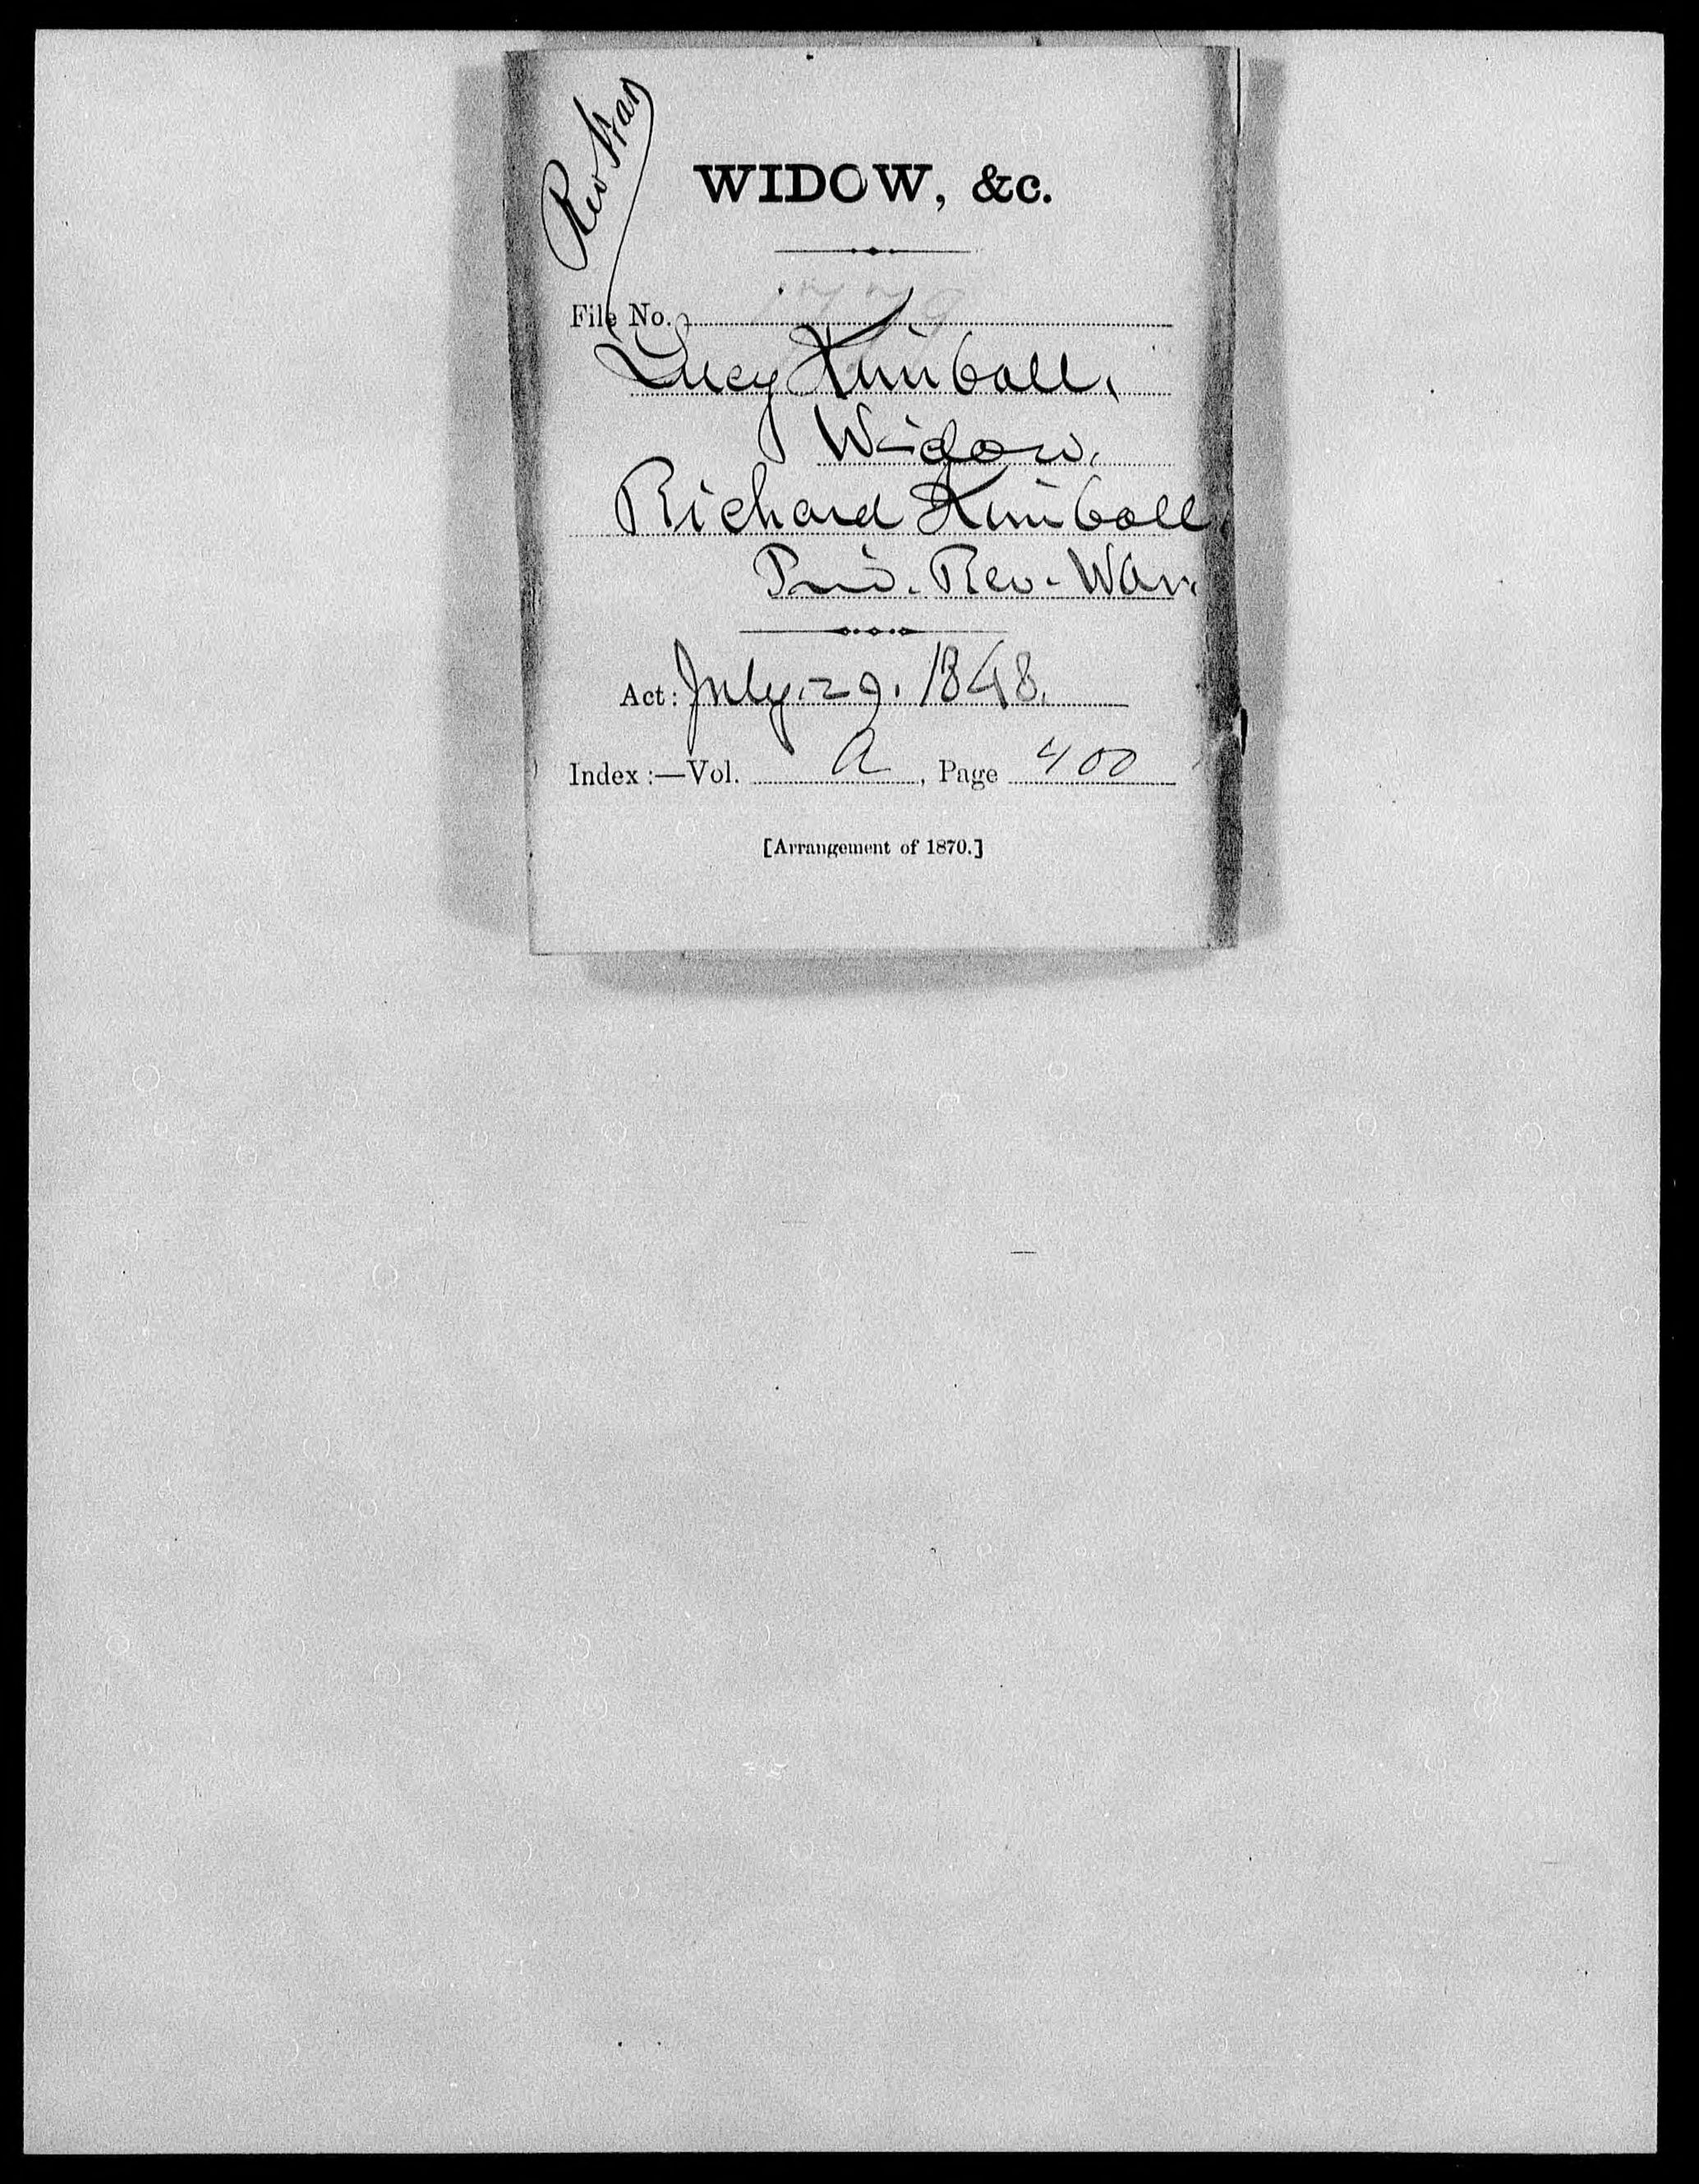WIDOW, &c
File no. 1779
Lucy Kimball,
Widow,
Richard Kimball,
Priv. Rev. War

Act: July, 29. 1848.
Index: - Vol. A, Page 400

[Arrangement of 1840.]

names: Richard Kimball; Lucy Kimball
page: 19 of 29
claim: widow's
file: W. 1779, for Richard Kimball, Massachusetts